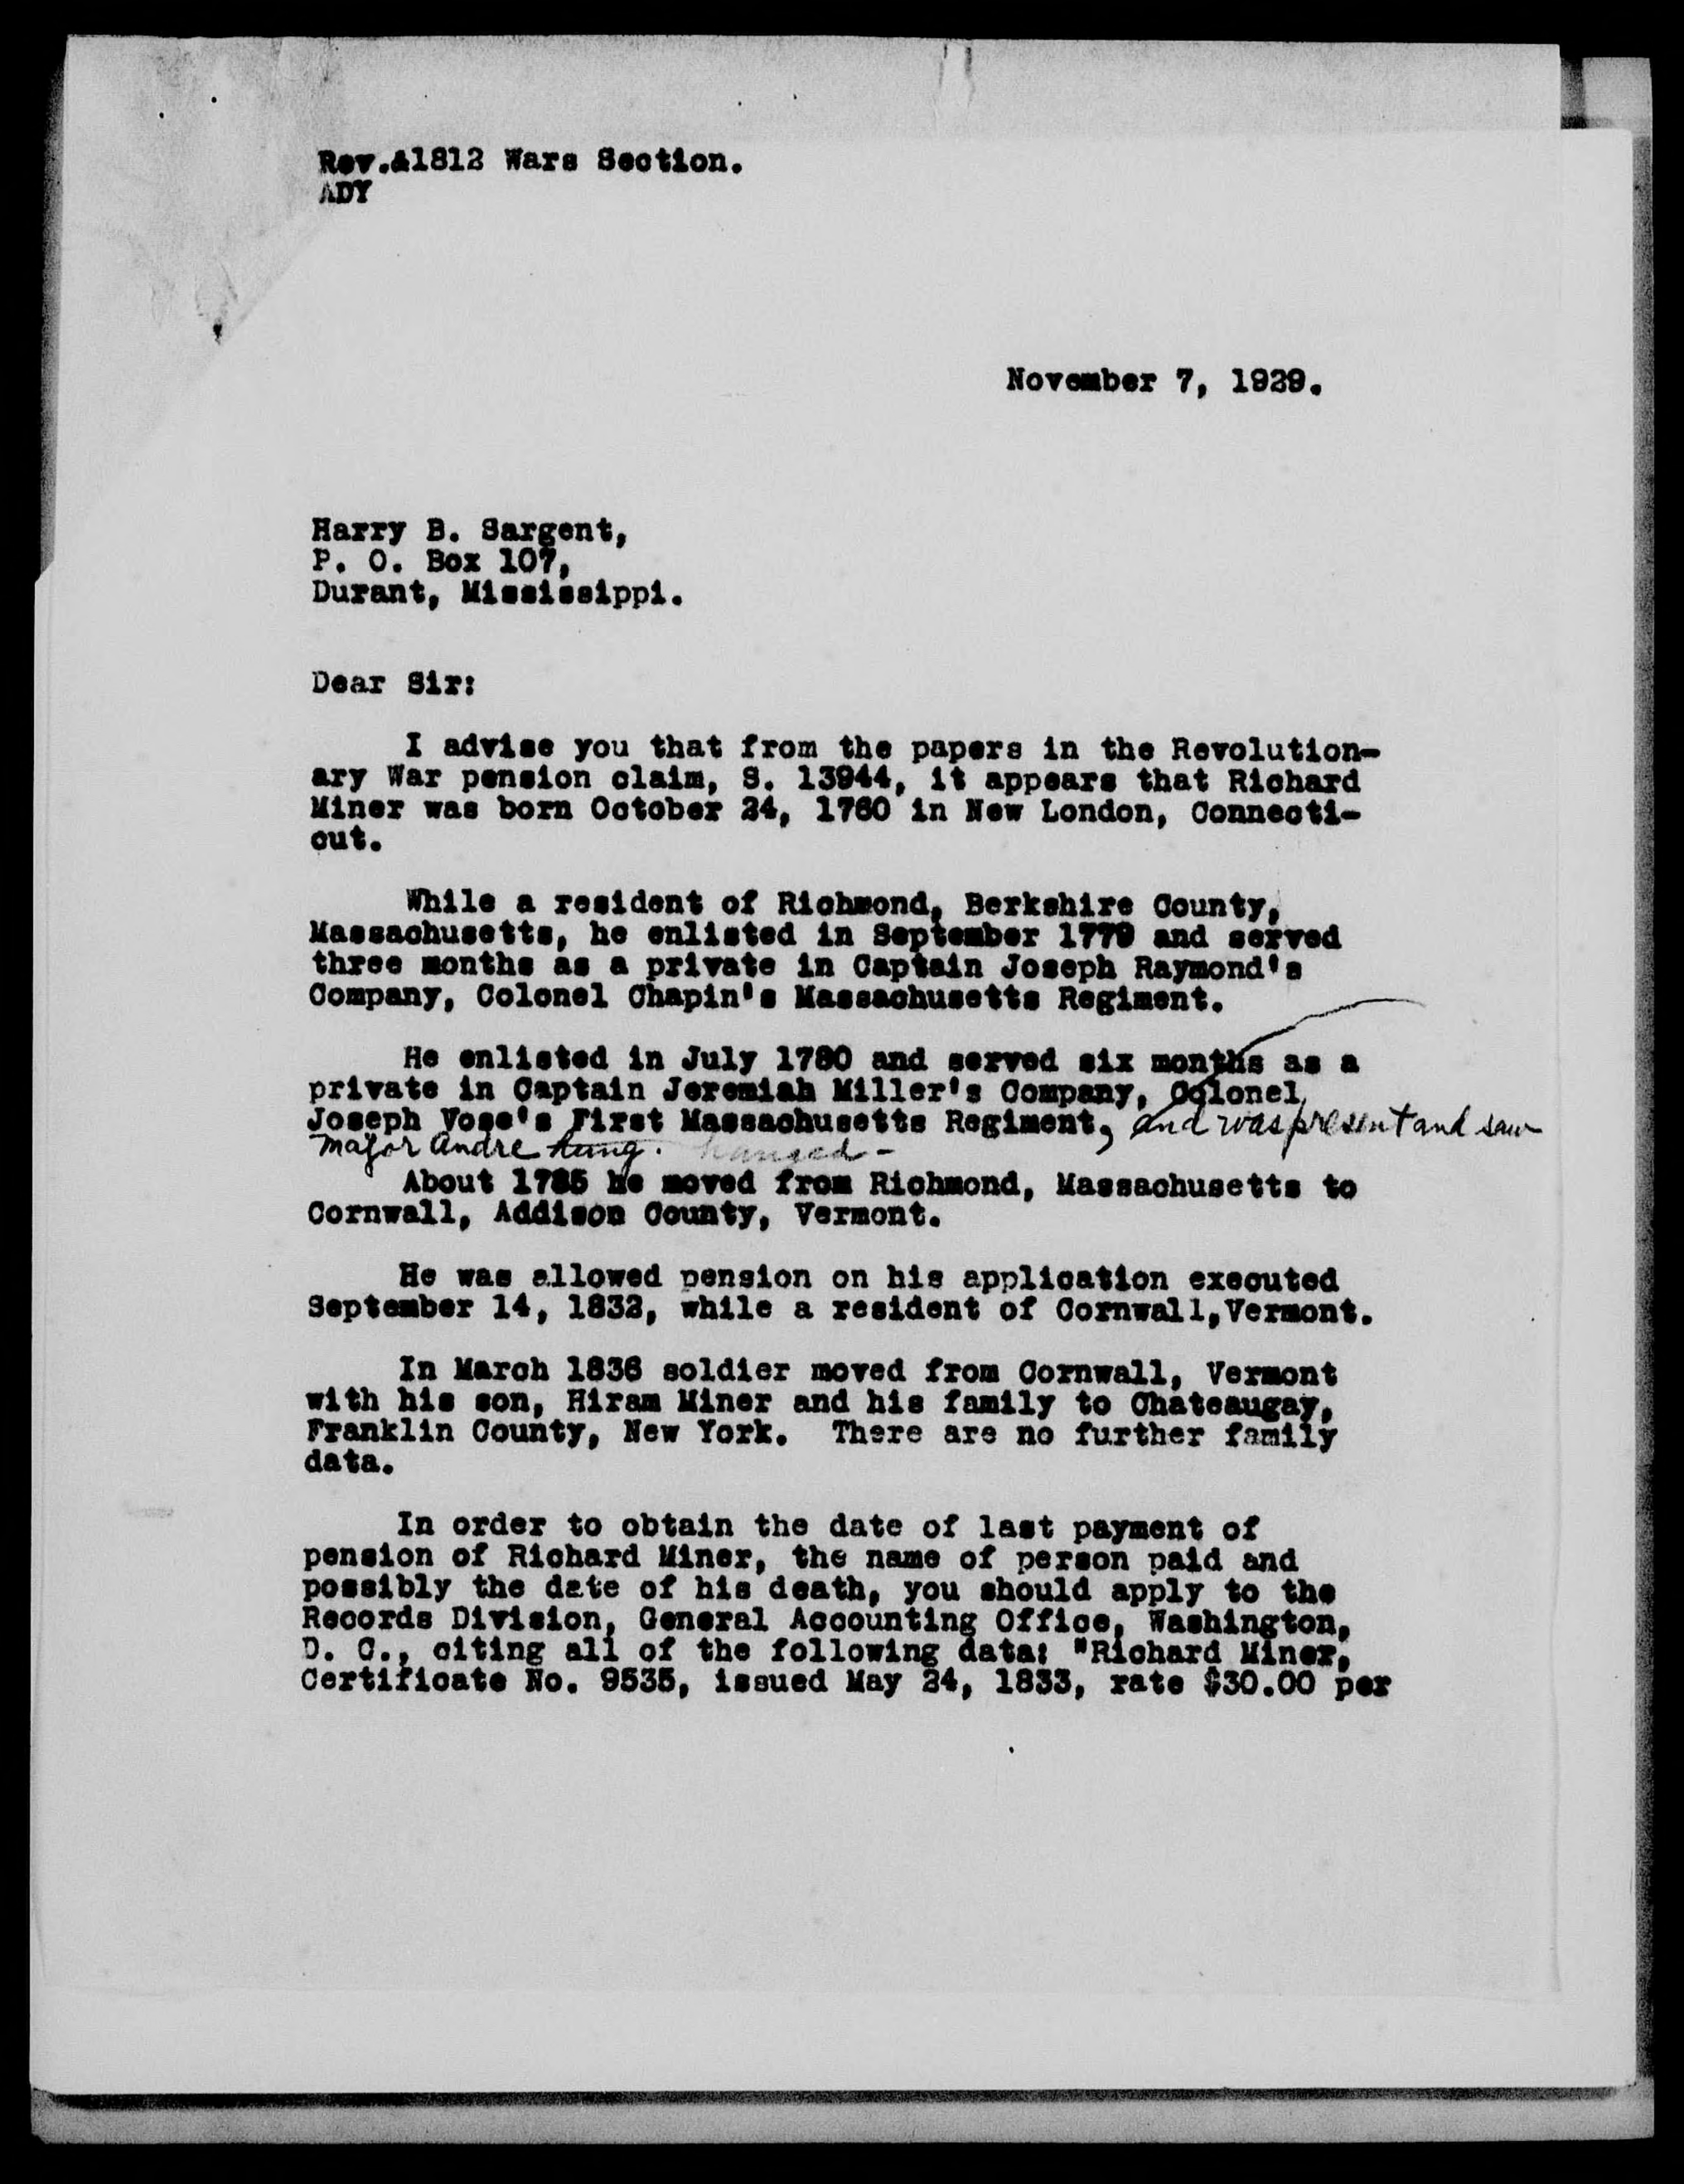Rev.&1812 Wars Section.
ADY
November 7, 1929.
Harry B. Sargent,
P. O. Box 107
Durant, Mississippi.
Dear Sir:

I advise you that from the papers in the Revolutionary War pension claim, S. 13944, it appears that Richard
Miner was born October 24, 1760 in New London, Connecticut.
While a resident of Richmond, Berkshire County,
Massachusetts, he enlisted in September 1779 and served
three months as a private in Captain Joseph Raymond's
Company, Colonel Chapin's Massachusetts Regiment.
He enlisted in July 1780 and served six months as a
private in Captain Jeremiah Miller's Company, Colonel,
Joseph Vose's first Massachusetts Regiment, and was present and saw
Major Andre [crossed out] hung [end cross out] hanged-
About 1785 he moved from Richmond, Massachusetts to
Cornwall, Addison County, Vermont.
He was allowed pension on his application executed
September 14, 1832, while a resident of Cornwall, Vermont.
In March 1838 soldier moved from Cornwall, Vermont
with his son, Hiram Miner and his family to Chateaugay,
Franklin County, New York. There are no further family
data.
In order to obtain the date of last payment of
pension of Richard Miner, the name of person paid and
possibly the date of his death, you should apply to the
Records Division, General Accounting Office, Washington, D.C.
, citing all of the following data: "Richard Miner,
Certificate No. 9535, issued May 24, 1833, rate $30.00 per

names: [BLANK] Andry; Harry B Sargent; Hiram Miner; Richard Miner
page: 10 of 34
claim: survivor's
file: S. 13944, for Richard Miner, Massachusetts